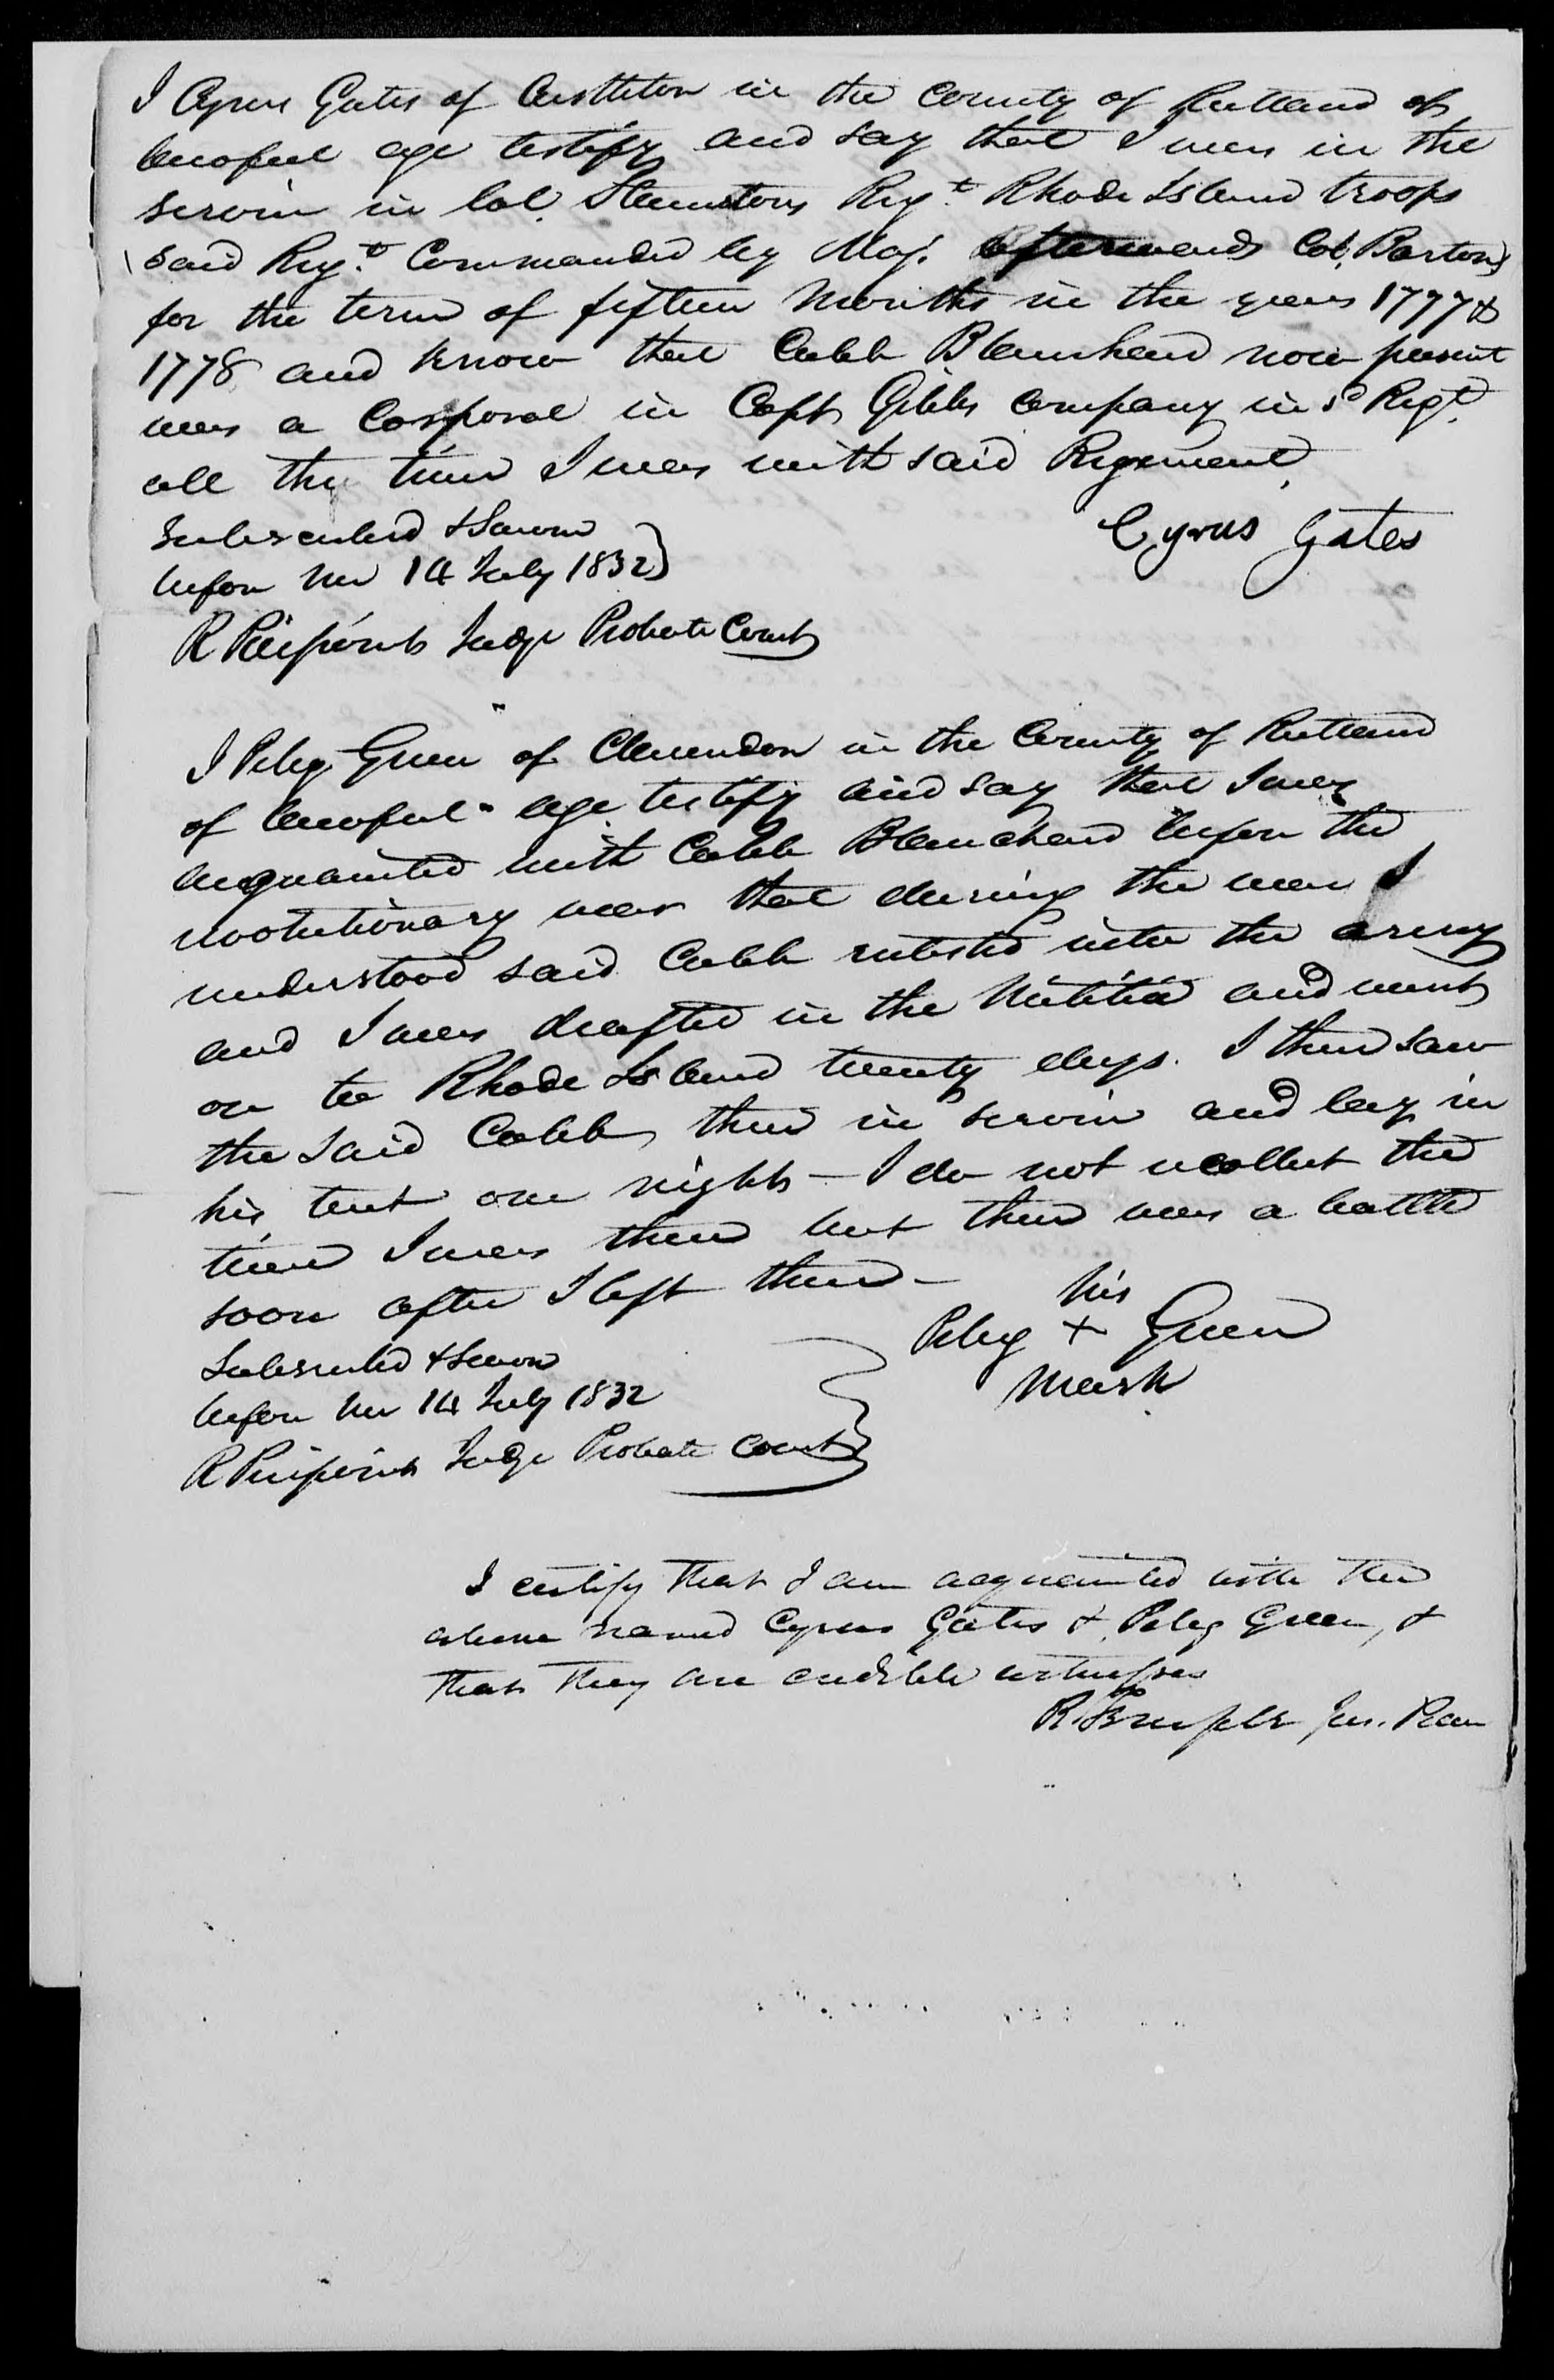I Cyrus Gates of Ausltiton in the County of Rutland of lawful age testify and say that I was in the service in Col Stevensons Regt Rhode Island troops said Regt commanded by Maj [illegible] and Col. Barton for the term of fifteen months in the year 1777 & 1778, and
know the Caleb Blanchard now present
was a Corporal in Capt Gibbs Company in sd Regt all the time I was with said Regiment
Subscribed & Sworn
before me 14 July 1832
Cyrus Gates
R Pierpooint Judge Probate Court
I Pely Given of Clarendon in the County of Rutland of lawful age testify and say that I am
acquainted with Caleb Blanchard before the
revolutionary war that during the war I 
understood said Caleb enlisted with the army
and I was drafted in the Militia and went
on to Rhode Island twenty days
I there saw the said Caleb there in service and laty in his tent one night I do not recollect the
time I was there but there was a battle
soon after I left there -
Subscribed + Sworn
before me 14 July 1832
his
Peley Green
Mark
R Pierpoint Judge Probate Court
I certify that I am acquainted with the
above named Cyrus Gates & Peley Green &
that they are credible witnesses
R Bresser Jus. Peace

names: Cyrus Gates, Caleb Blanchard, Caleb, R Russle, Caleb Blanchard, Peleg Green, Cyrus Gates, Caleb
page: 6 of 17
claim: survivor's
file: S. 21,645, Caleb Blanchard, R. I.